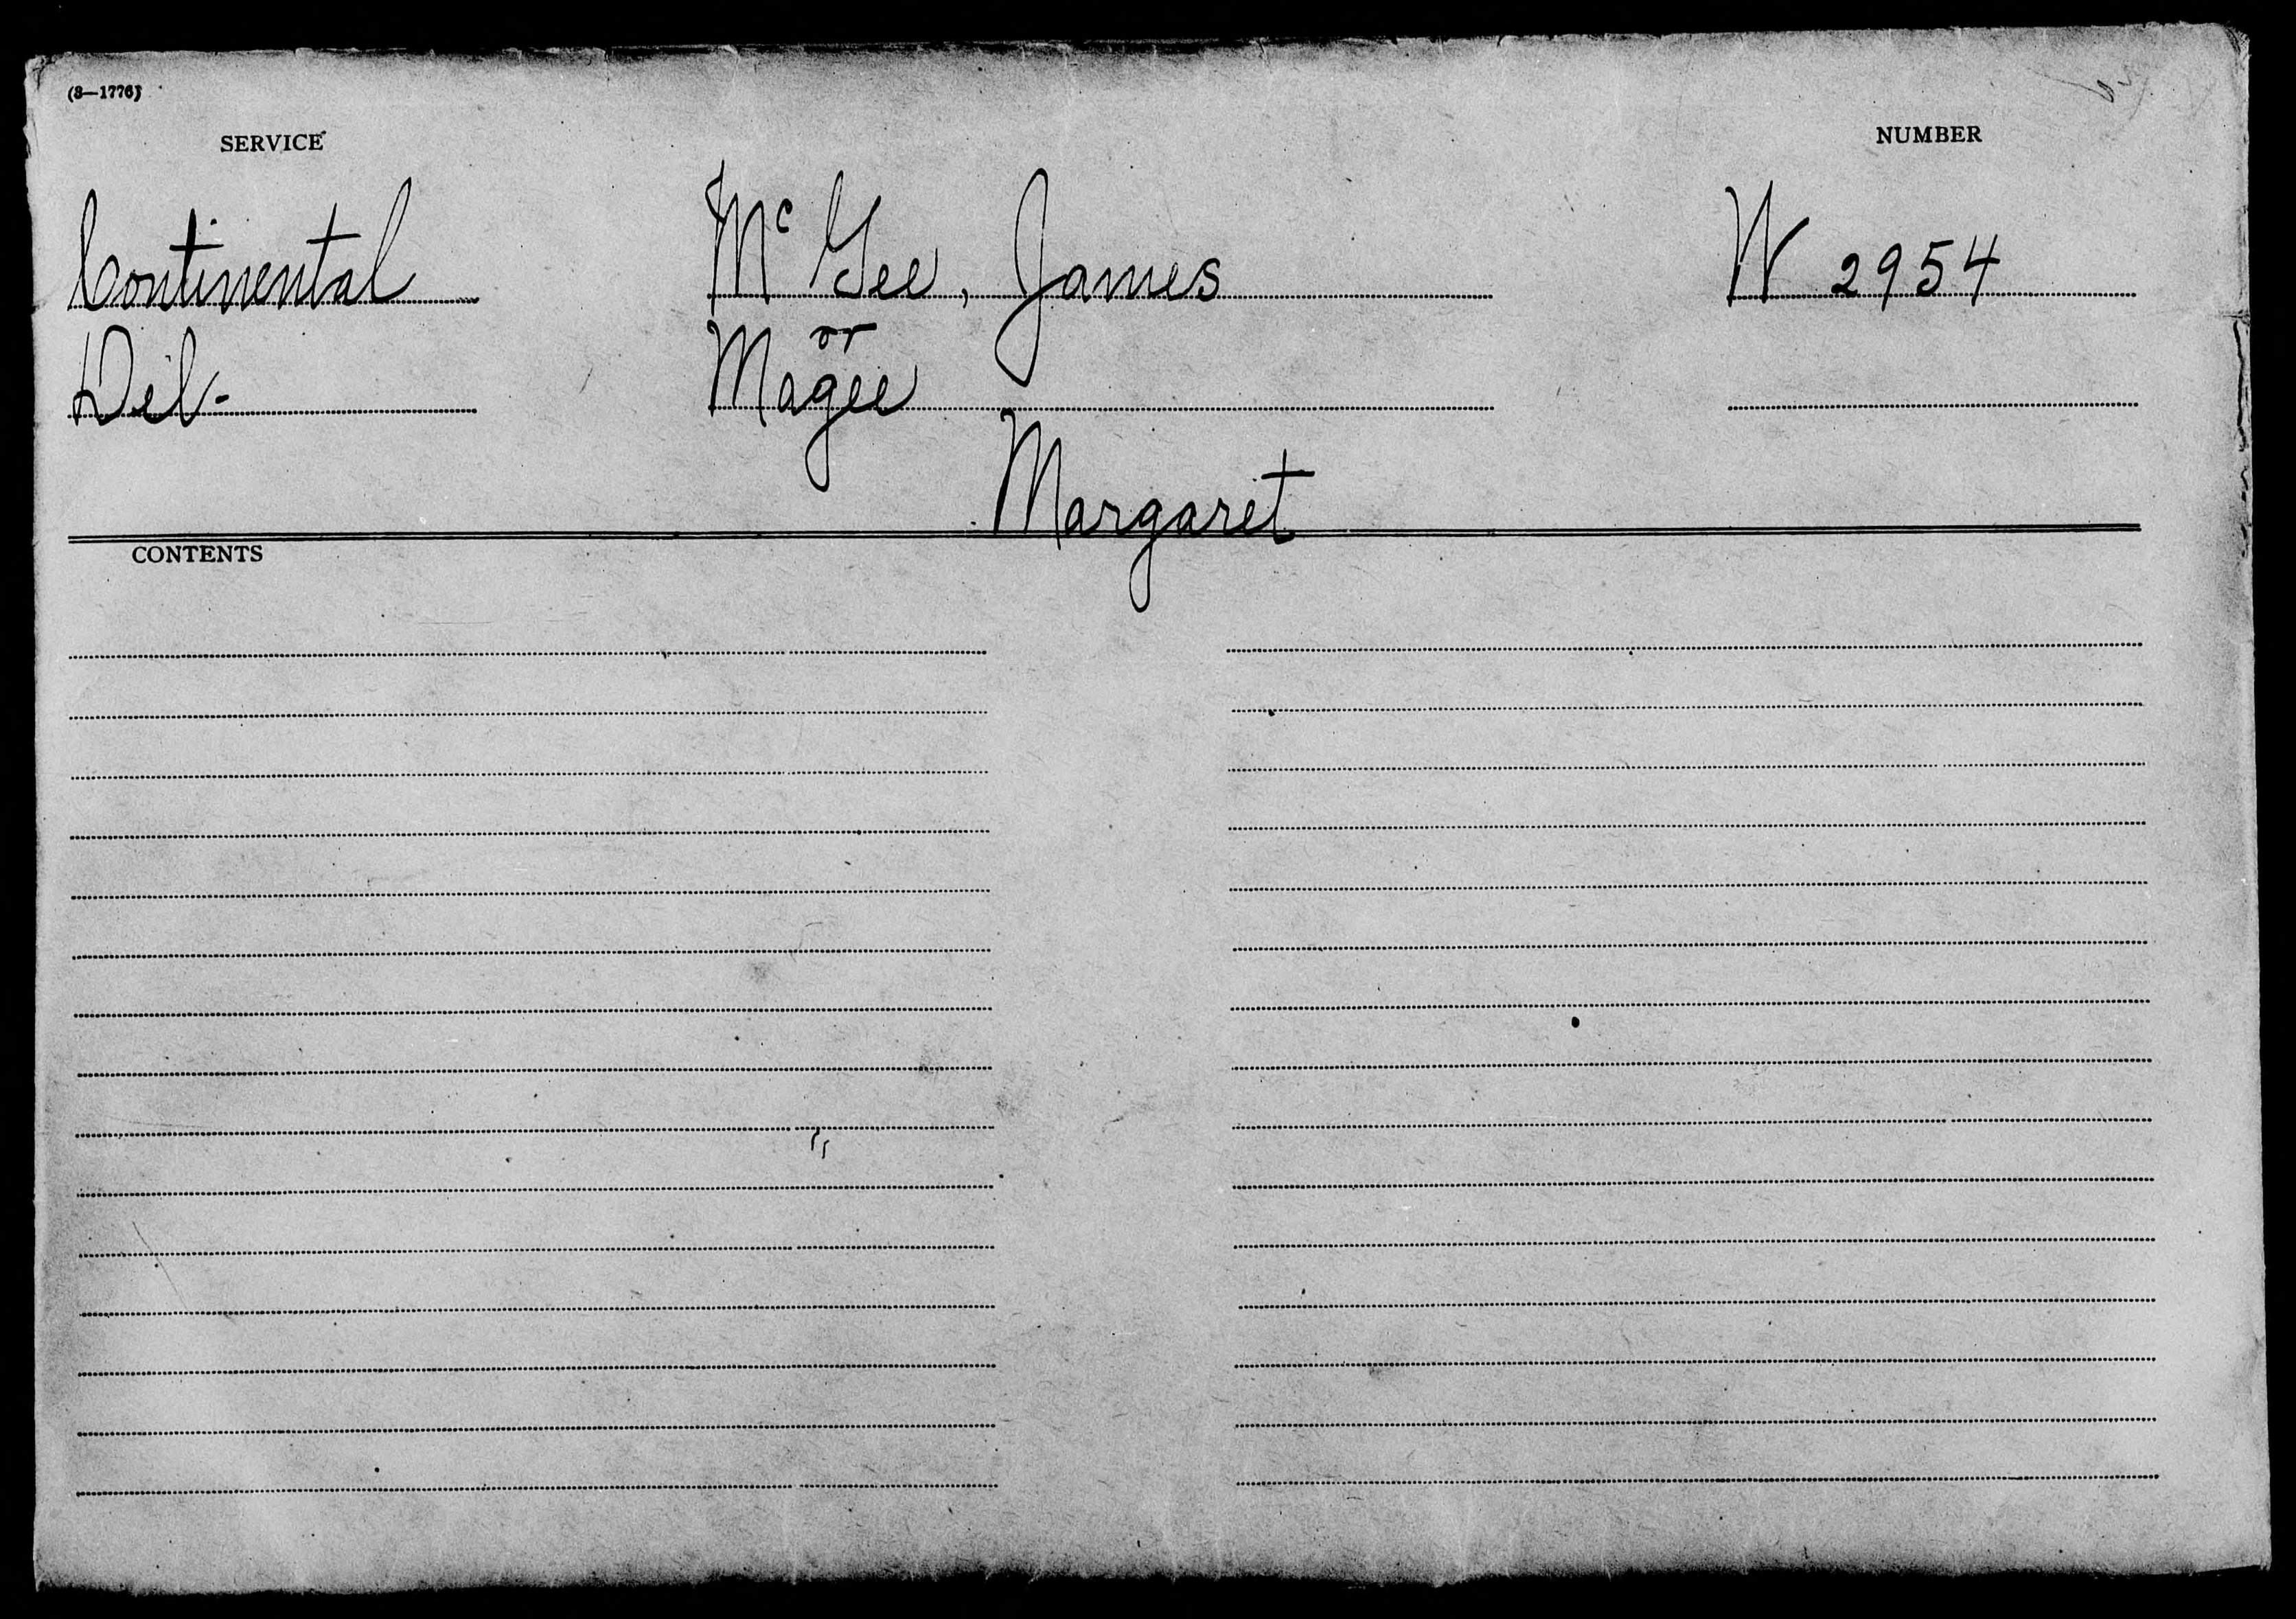Service         Number
Continental  McGee, James  W2954
Del. Magee
Margaret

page: 1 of 77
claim: widow's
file: W 2954, for James Mc Gee, Delaware